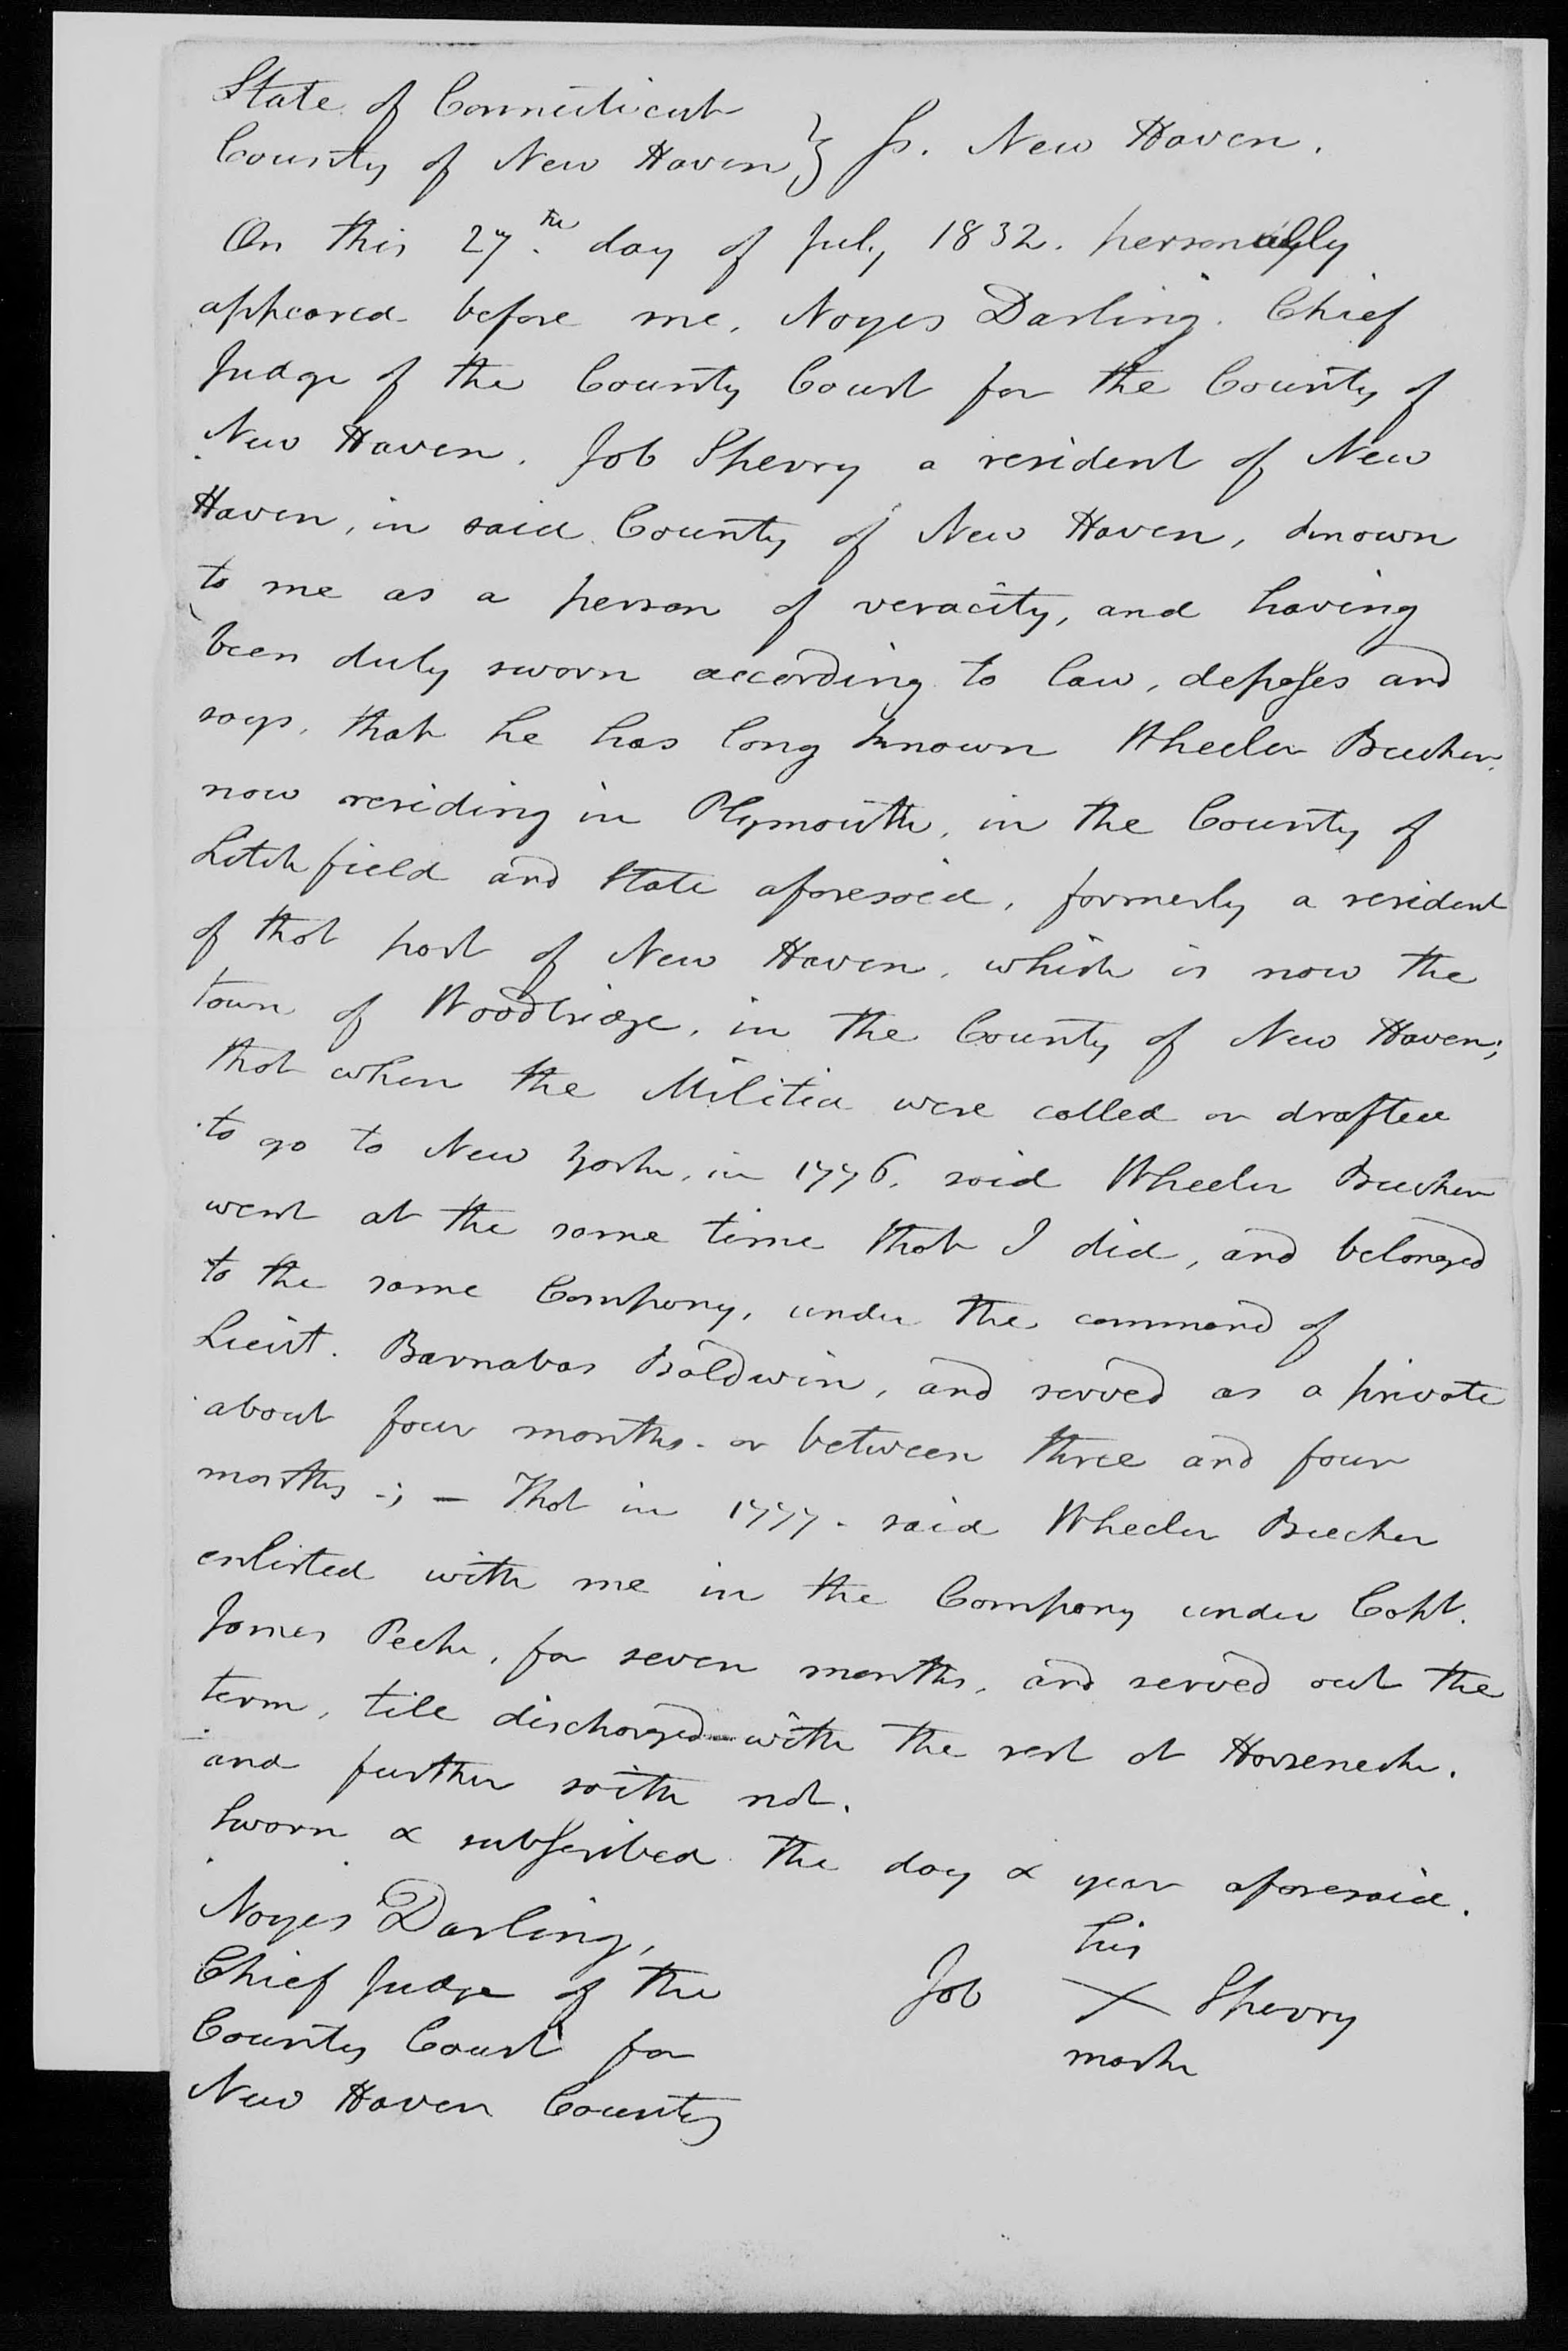State of Connecticut
County of New Haven } Ss. New Haven
On this 27th day of July 1832 personally appeared before me, Noyes Darling Chief Judge of the County Court for the County of New Haven, Job Sperry a resident of New Haven in said County of New Haven, known to me as a person of veracity and having been duly sworn according to law, deposes and says that he has long known Wheeler Beecher now residing in Plymouth in the County of Litchfield and State aforesaid, formerly a resident of that part of New Haven which is now the town of Woodbridge in the County of New Haven, that when the Militia were called or drafted to go to New York in 1776, said Wheeler Beecher went at the same time that I did and belonged to the same company under the command of Lieu't Barnabas Baldwin, and served as a private about four months or between three and four months; - That in 1777 said Wheeler Beecher enlisted with me in the company under Capt. James Peche for seven months and served out the term till discharged with the rest at Horseback and further with not.
Sworn & subscribed the day & year aforesaid.
Job Sherry  X his mark
Noyes Darling
Chief Judge of the County Court for New Haven County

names: Noyes Darling, Jomes Peche, Wheeler Beecher, Barnabas Baldwin, Wheeler Beecher, Noyes Darling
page: 14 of 21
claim: survivor's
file: S. 14943, Wheeler Beecher, Conn.